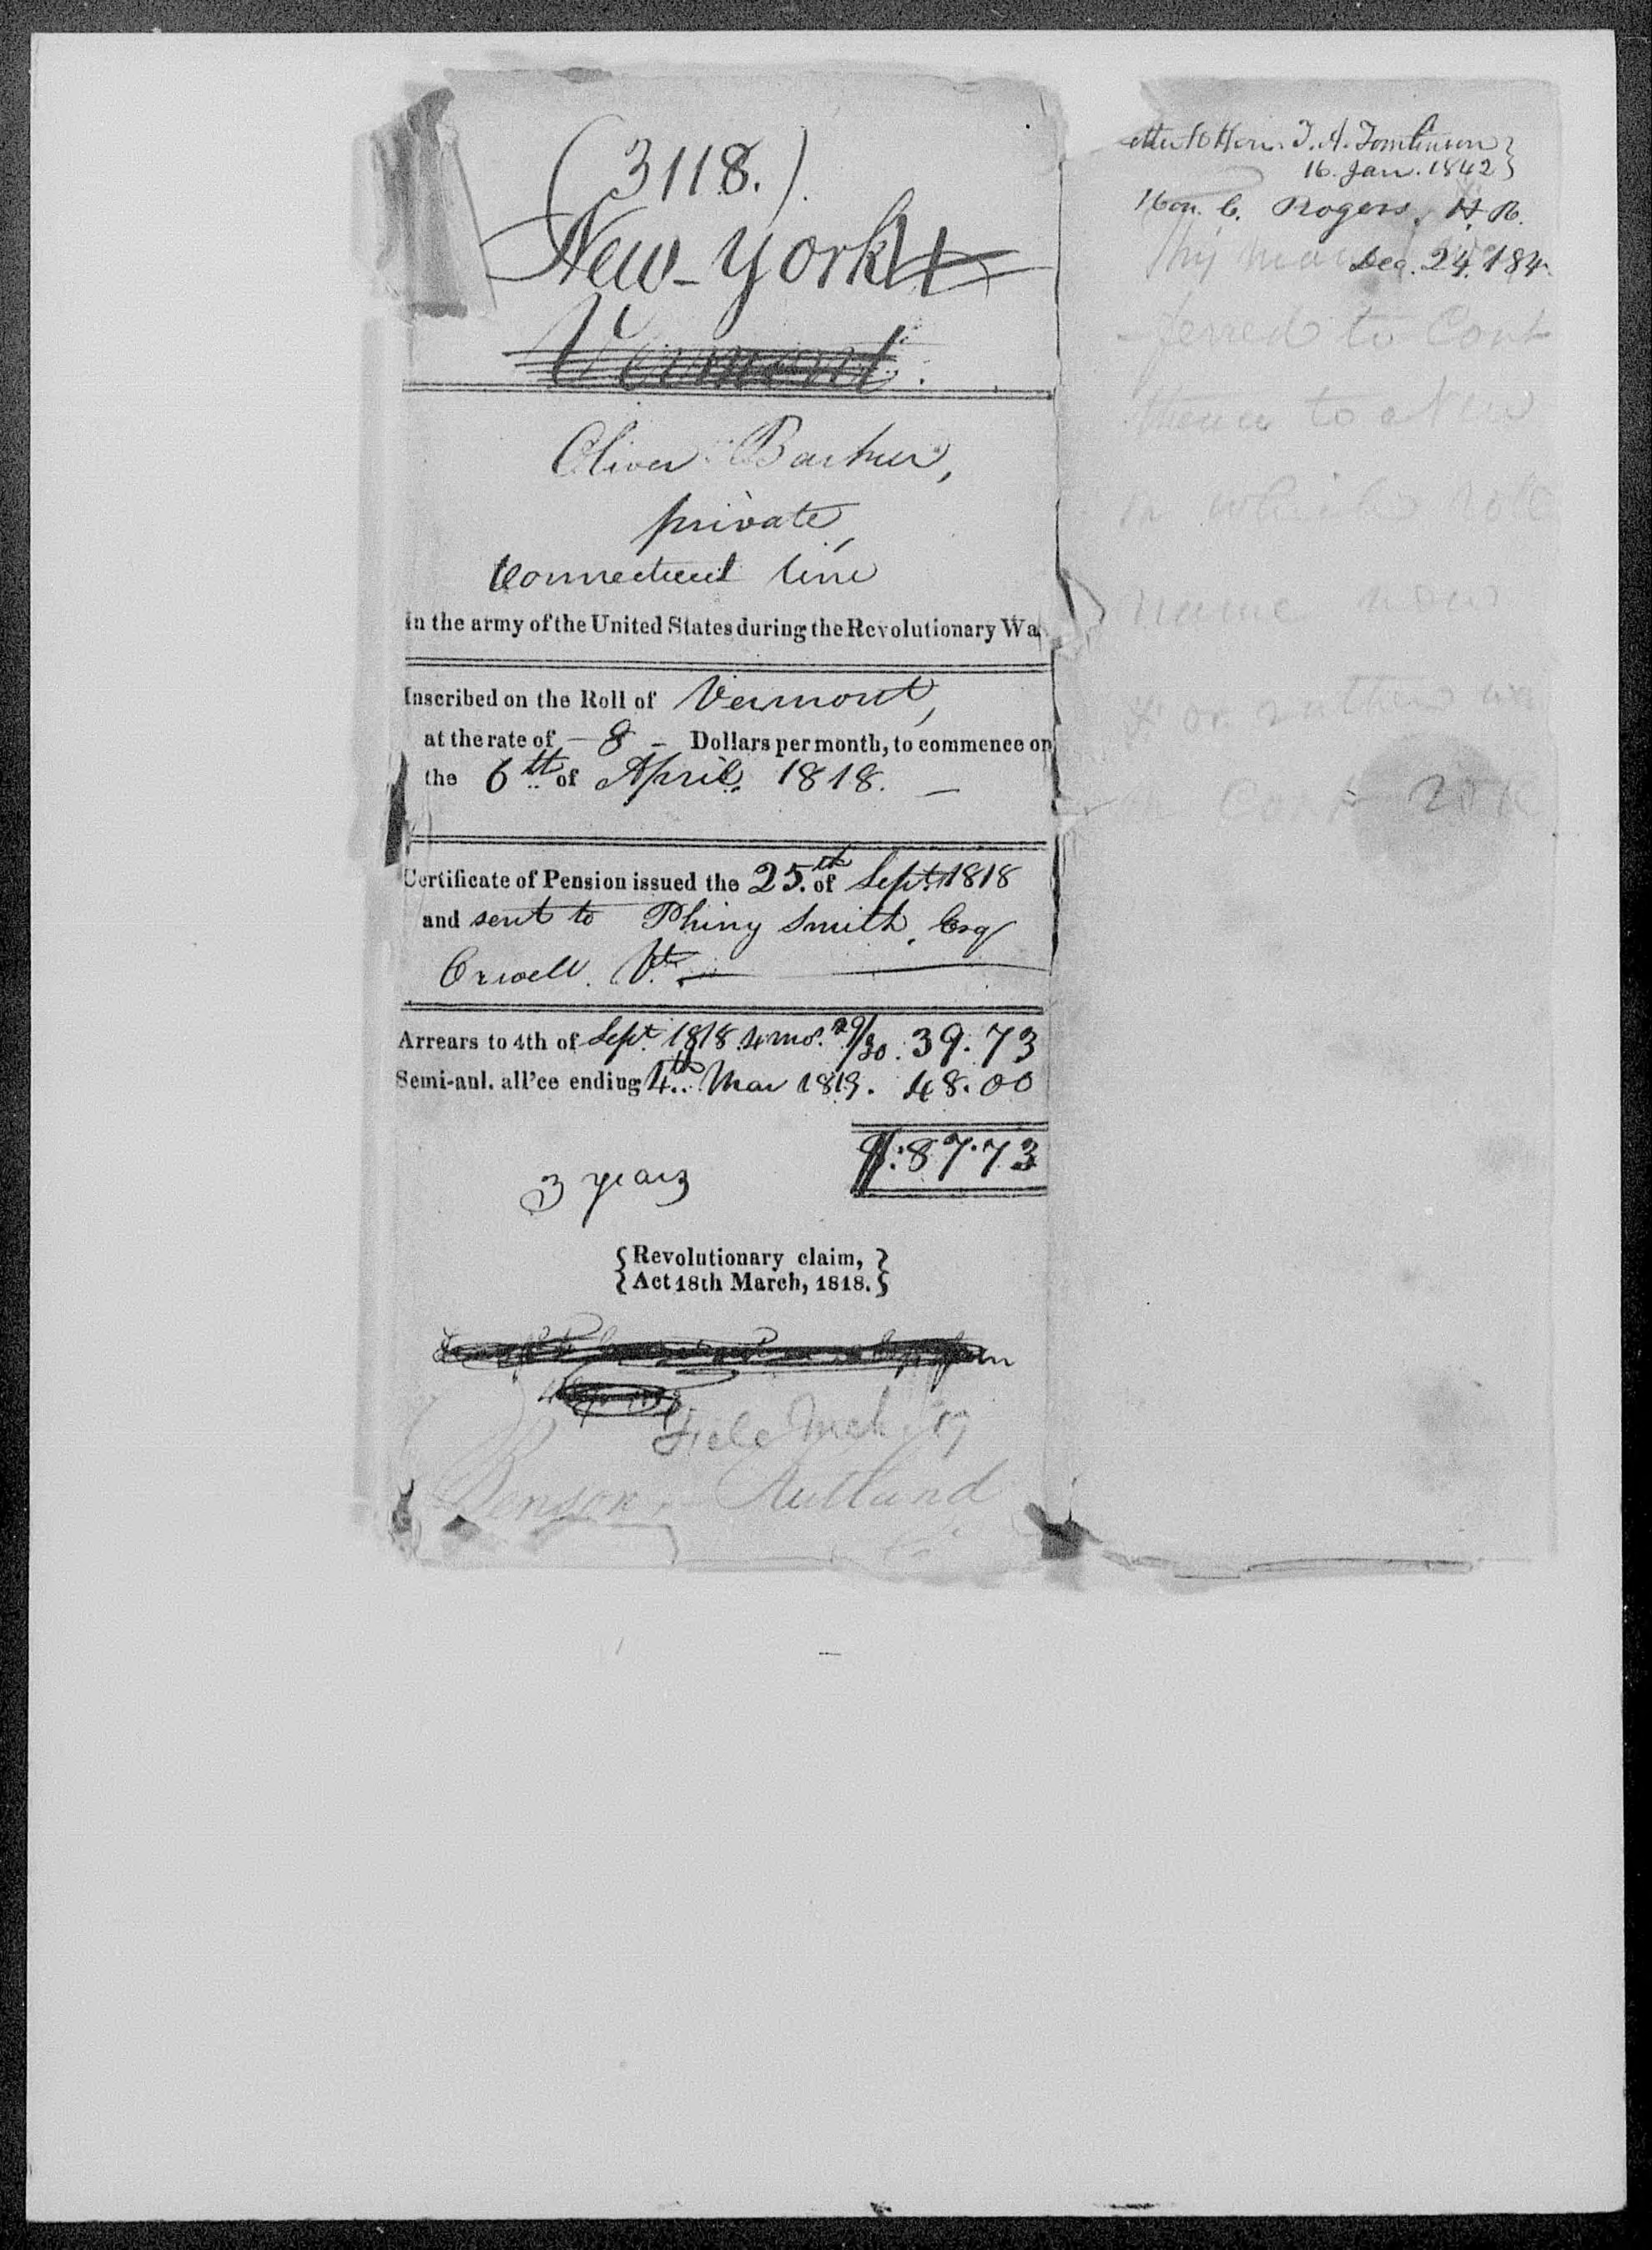(3118.) 
New York 
Oliver Barker 
private 
Connecticut line 
in the army of the United States during the Revolutionary War 
Inscribed on the Roll of Vermont at the rate of 8 Dollars per month, to commence on the 6th of April 1818 
Certificate of Pension issued the 25 Sept 1818 and sent to Phiny Smith Esq Orwell Vt 
Arrears to 4th of Sept 1818 4 mos 29/30  39.73 
Semi-anl, all'ce ending 4th Mar 1819. 48. 00 
$87.73 
3 years
{Revolutionary claim, Act 18th March, 1818.} 
[unreadable] 19
Benson, Rutland Co
Letter to T. A. Tomlinson 16. Jan. 1842}
Hon. C. Rogers H.R. this Mar Dec 24 184 
transferred to Cont thence to New York in which roll name now or rather was on Cont 20 R.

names: Benson Rutland, T A Tomlinson, Oliver Barker, C Rogers, Phiny Smith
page: 27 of 51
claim: widow's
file: W. 1698, Oliver Barker, Conn.